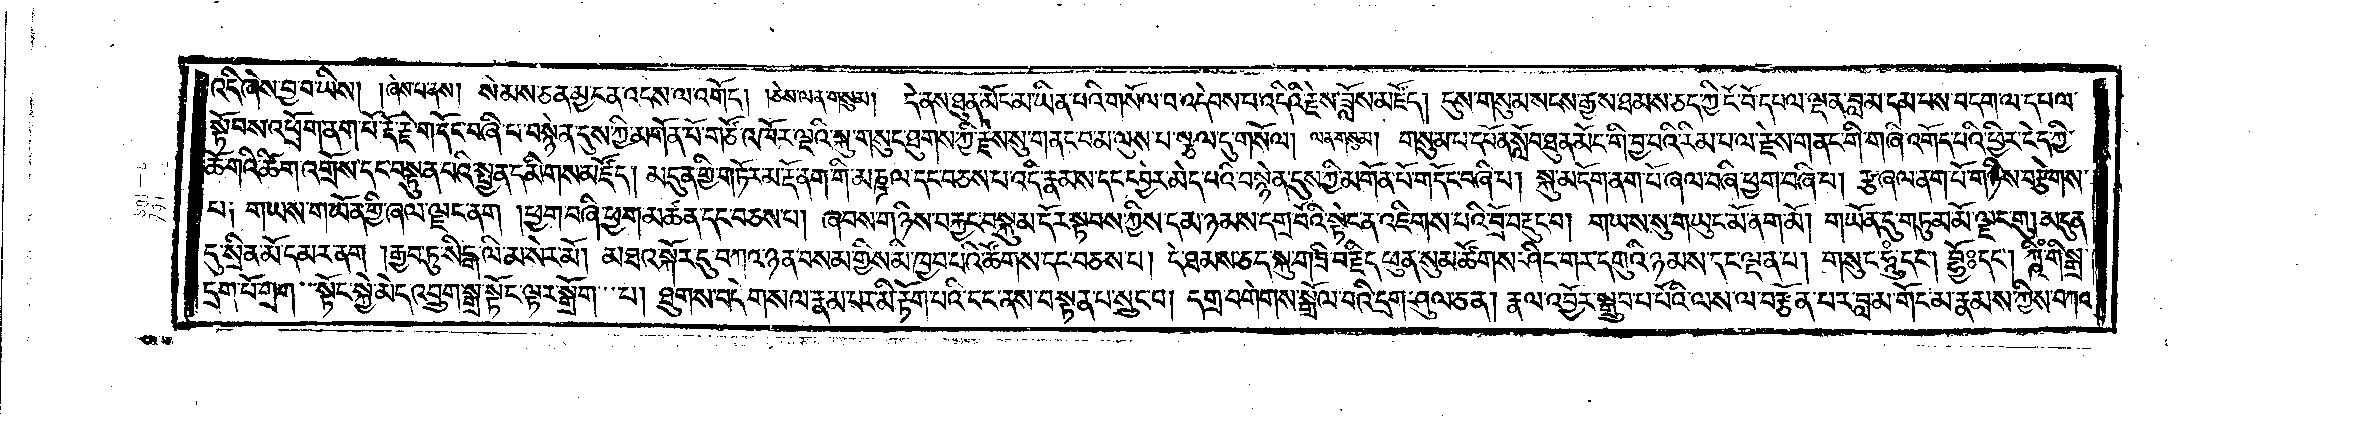འདི་ཞེས་བྱ་བ་ཡིས། །ཞེས་པ་ནས།  སེམས་ཅན་མྱ་ངན་འདས་ལ་འགོད། །ཅེས་ལན་གསུམ།  དེ་ནས་ཐུན་མོང་མ་ཡིན་པའི་གསོལ་བ་འདེབས་པ་འདིའི་རྗེས་ཟློས་མཛོད། དུས་གསུམ་སངས་རྒྱས་ཐམས་ཅད་ཀྱི་ངོ་བོ་དཔལ་ལྡན་བླ་མ་དམ་པས་བདག་ལ་དཔལ་
སྟོབས་འཕྲོག་ནག་པོ་རྡོ་རྗེ་གདོང་བཞི་པ་བསྙེན་དུས་ཀྱི་མགོན་པོ་གཙོ་འཁོར་ལྔའི་སྐུ་གསུང་ཐུགས་ཀྱི་རྗེས་སུ་གནང་བ་མ་ལུས་པ་སྩལ་དུ་གསོལ། ལན་གསུམ།  གསུམ་པ་དཔོན་སློབ་ཐུན་མོང་གི་བྱ་བའི་རིམ་པ་ལ་རྗེས་གནང་གི་གཞི་འགོད་པའི་ཕྱིར་ངེད་ཀྱི་
ཆོ་གའི་ཚིག་འགྲོས་དང་བསྟུན་པའི་སྤྱན་དམིགས་མཛོད། མདུན་གྱི་གཏོར་མ་རྡོ་ནག་གི་མཎྜལ་དང་བཅས་པ་འདི་རྣམས་དང་དབྱེར་མེད་པའི་བསྙེན་དུས་ཀྱི་མགོན་པོ་གདོང་བཞི་པ། སྐུ་མདོག་ནག་པོ་ཞལ་བཞི་ཕྱག་བཞི་པ། རྩ་ཞལ་ནག་པོ་གཉིས་བརྩེགས་
པ༑ གཡས་གཡོན་གྱི་ཞལ་ལྗང་ནག །ཕྱག་བཞི་ཕྱག་མཚན་དང་བཅས་པ། ཞབས་གཉིས་བརྐྱང་བསྐུམ་དོར་སྟོབས་ཀྱིས་དམ་ཉམས་དགྲ་བོའི་སྟེང་ན་འཇིགས་པའི་བྲོ་བརྡུང་པ། གཡས་སུ་གཡུང་མོ་ནག་མོ་།གཡོན་དུ་གཏུམ་མོ་ལྗང་གུ། མདུན་
དུ་སྲིན་མོ་དམར་ནག །རྒྱབ་ཏུ་སིངྒ་ལི་མ་སེར་མོ། མཐའ་སྐོར་དུ་བཀའ་ཉན་བསམ་གྱིས་མི་ཁྱབ་པའི་ཚོགས་དང་བཅས་པ། དེ་ཐམས་ཅད་སྐུ་གཞི་བརྗིད་ཕུན་སུམ་ཚོགས་ཤིང་གར་དགུའི་ཉམས་དང་ལྡན་པ། གསུང་ཧཱུཾ་དང་། བྷྱོཿདང་། ཀྵིཾ་གི་སྒྲ་
དྲག་པོ་གྲག་སྟོང་སྐྱེ་མེད་འབྲུག་སྒྲ་སྟོང་ལྟར་སྒྲོག་པ། ཐུགས་བདེ་གསལ་རྣམ་པར་མི་རྟོག་པའི་ངང་ནས་བསྟན་པ་སྲུང་བ། དགྲ་བགེགས་སྒྲོལ་བའི་དྲག་ཤུལ་ཅན། རྣལ་འབྱོར་སྒྲུབ་པ་པོའི་ལས་ལ་བརྩོན་པར་བླ་མ་གོང་མ་རྣམས་ཀྱིས་བཀའ་